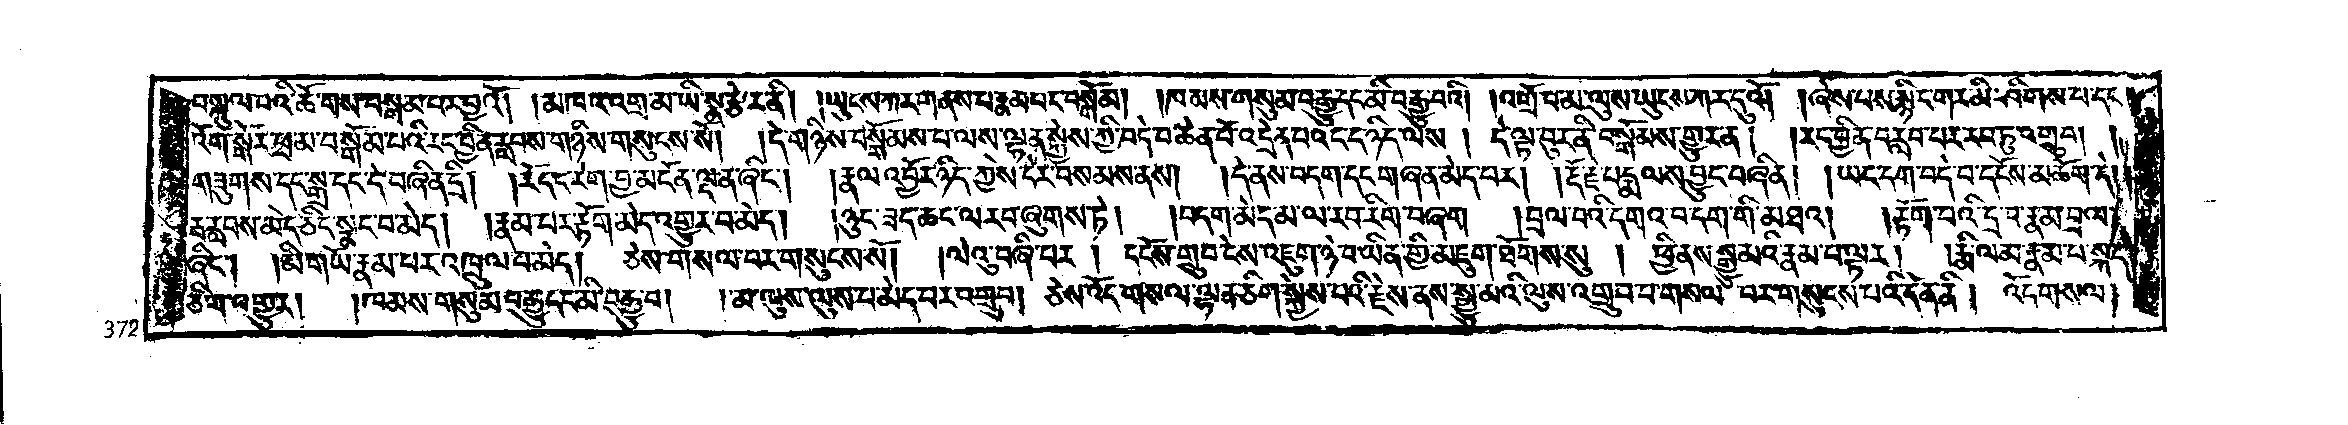བསྐུལ་བའི་ཆོ་གས་བསྒོམ་པར་བྱའོ། །མཁའ་འགྲོ་མ་ཡི་སྣ་རྩེར་ནི། །ཡུངས་ཀར་གནས་པ་རྣམ་པར་བསྒོམ། །ཁམས་གསུམ་བརྒྱུ་དང་མི་བརྒྱུ་བའི། །འགྲོ་བ་མ་ལུས་ཡུངས་ཀར་དུའོ། །ཞེས་པས་སྙིང་གར་མི་ཤིགས་པ་དང་།
འོག་སྒོར་ཕྲ་མ་བསྒོམ་པའི་རང་བྱིན་རླབས་གཉིས་གསུངས་སོ། །དེ་གཉིས་བསྒོམས་པ་ལས་ལྷན་སྐྱེས་ཀྱི་བདེ་བ་ཆེན་པོ་འདྲེན་པའང་དེ་ཉིད་ལས། དེ་ལྟ་བུར་ནི་བསྒོམས་གྱུར་ན། །རང་བྱིན་བརླབ་པར་རབ་ཏུ་འགྲུབ། །
གཟུགས་དང་སྒྲ་དང་དེ་བཞིན་དྲི། །རོ་དང་རེག་བྱ་མངོན་ལྡན་ཞིང་། །རྣལ་འབྱོར་ཉིད་ཀྱིས་དོར་བསམས་ནས། །དེ་ནས་བདག་དང་གཞན་མེད་པར། །རྡོ་རྗེ་པདམ་ལས་བྱུང་བཞིན། །ཡང་དག་བདེ་བ་དངོས་མཆོག་དེ། །
རྦ་རླབས་མེད་ཅིང་སྣང་བ་མེད། །རྣམ་པར་རྟོག་མེད་འགྱུར་བ་མེད། །ཉུང་ཟད་ཆང་ལ་རབ་ཞུགས་ཏེ། །བདག་མེད་མ་ལ་རབ་རིག་བཞག །བྲལ་བའི་དགའ་བ་དག་གི་མཐའ། །རྟོག་པའི་དྲ་བ་རྣམ་བྲལ་
ཞིང་། །མི་གཡོ་རྣམ་པར་འཁྲུལ་པ་མེད། ཅེས་གསལ་བར་གསུངས་སོ། །ལེའུ་བཞི་པར། དངོས་གྲུབ་ངེས་འཇུག་ཉེ་བ་ཡིན་གྱི་མཇུག་ཐོགས་སུ། །ཕྱི་ནས་སྒྱུ་མའི་རྣམ་པར་ལྟར། །རྨི་ལམ་རྣམ་པ་སྐད་
ཅིག་འགྱུར། །ཁམས་གསུམ་བསྒྱུ་དང་མི་བརྒྱུ་བ། །མ་ལུས་ལུས་པ་མེད་པར་འགྲུབ། ཅེས་འོད་གསལ་ལྷན་ཅིག་སྐྱེས་པའི་རྗེས་ནས་སྒྱུ་མའི་ལུས་འགྲུབ་པ་གསལ་བར་གསུངས་པའི་དོན་ནི། འོད་གསལ།